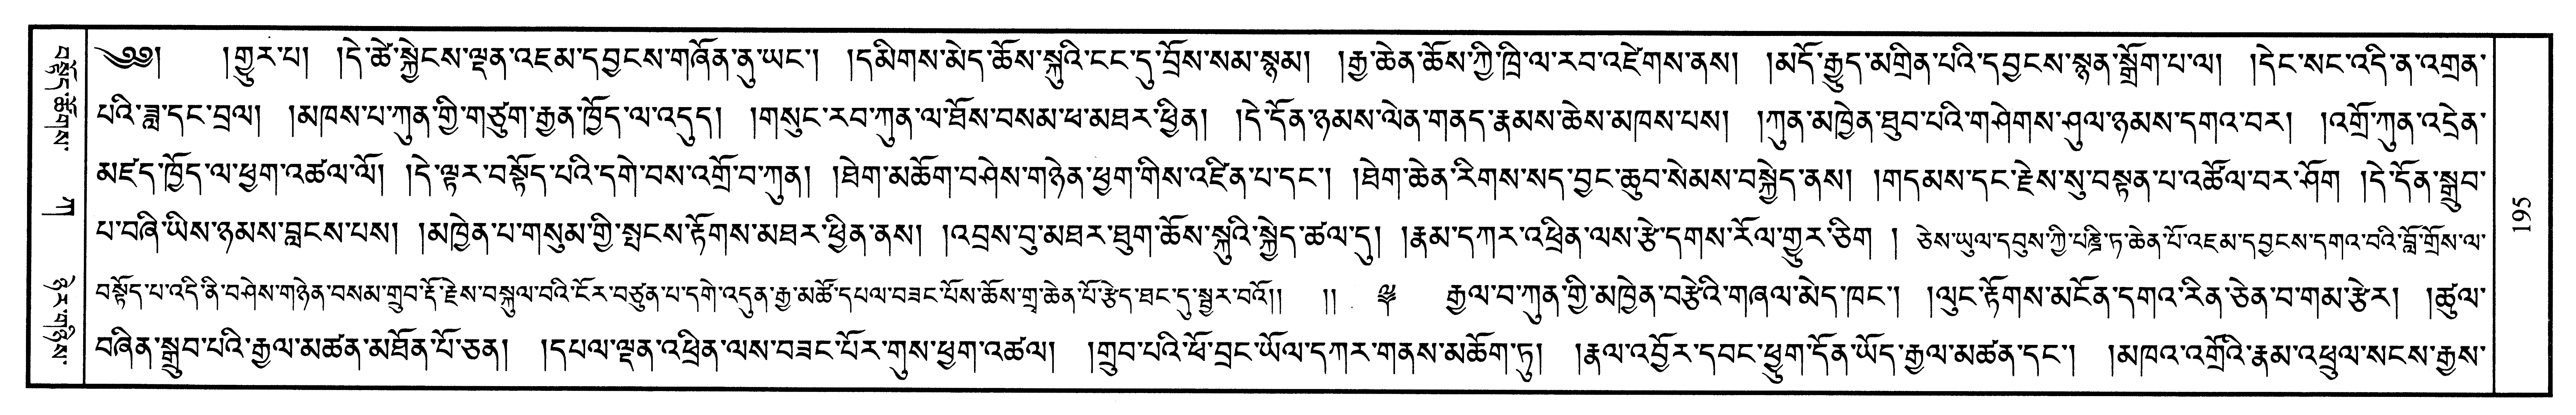༄༅། །གྱུར་པ། །དེ་ཚེ་སྐྱེངས་ལྡན་འཇམ་དབྱངས་གཞོན་ནུ་ཡང་། །དམིགས་མེད་ཆོས་སྐུའི་ངང་དུ་བྲོས་སམ་སྙམ། །རྒྱ་ཆེན་ཆོས་ཀྱི་ཁྲི་ལ་རབ་འཛེགས་ནས། །མདོ་རྒྱུད་མགྲིན་པའི་དབྱངས་སྙན་སྒྲོག་པ་ལ། །དེང་སང་འདི་ན་འགྲན་
པའི་ཟླ་དང་བྲལ། །མཁས་པ་ཀུན་གྱི་གཙུག་རྒྱན་ཁྱོད་ལ་འདུད། །གསུང་རབ་ཀུན་ལ་ཐོས་བསམ་ཕ་མཐར་ཕྱིན། །དེ་དོན་ཉམས་ལེན་གནད་རྣམས་ཆེས་མཁས་པས། །ཀུན་མཁྱེན་ཐུབ་པའི་གཤེགས་ཤུལ་ཉམས་དགའ་བར། །འགྲོ་ཀུན་འདྲེན་
མཛད་ཁྱོད་ལ་ཕྱག་འཚལ་ལོ། །དེ་ལྟར་བསྟོད་པའི་དགེ་བས་འགྲོ་བ་ཀུན། །ཐེག་མཆོག་བཤེས་གཉེན་ཕྱག་གིས་འཛིན་པ་དང་། །ཐེག་ཆེན་རིགས་སད་བྱང་ཆུབ་སེམས་བསྐྱེད་ནས། །གདམས་དང་རྗེས་སུ་བསྟན་པ་འཚོལ་བར་ཤོག །དེ་དོན་སྒྲུབ་
པ་བཞི་ཡིས་ཉམས་བླངས་པས། །མཁྱེན་པ་གསུམ་གྱི་སྤངས་རྟོགས་མཐར་ཕྱིན་ནས། །འབྲས་བུ་མཐར་ཐུག་ཆོས་སྐུའི་སྐྱེད་ཚལ་དུ། །རྣམ་དཀར་འཕྲིན་ལས་རྩེ་དགས་རོལ་གྱུར་ཅིག །ཅེས་ཡུལ་དབུས་ཀྱི་པཎྜི་ཏ་ཆེན་པོ་འཇམ་དབྱངས་དགའ་བའི་བློ་གྲོས་ལ་
བསྟོད་པ་འདི་ནི་བཤེས་གཉེན་བསམ་གྲུབ་རྡོ་རྗེས་བསྐུལ་བའི་ངོར་བཙུན་པ་དགེ་འདུན་རྒྱ་མཚོ་དཔལ་བཟང་པོས་ཆོས་གྲྭ་ཆེན་པོ་རྩེད་ཐང་དུ་སྦྱར་བའོ།། །། ༈ རྒྱལ་བ་ཀུན་གྱི་མཁྱེན་བརྩེའི་གཞལ་མེད་ཁང་། །ལུང་རྟོགས་མངོན་དགའ་རིན་ཅེན་བ་གམ་རྩེར། །ཚུལ་
བཞིན་སྒྲུབ་པའི་རྒྱལ་མཚན་མཐོན་པོ་ཅན། །དཔལ་ལྡན་འཕྲིན་ལས་བཟང་པོར་གུས་ཕྱག་འཚལ། །གྲུབ་པའི་ཕོ་བྲང་ཡོལ་དཀར་གནས་མཆོག་ཏུ། །རྣལ་འབྱོར་དབང་ཕྱུག་དོན་ཡོད་རྒྱལ་མཚན་དང་། །མཁའ་འགྲོའི་རྣམ་འཕྲུལ་སངས་རྒྱས་